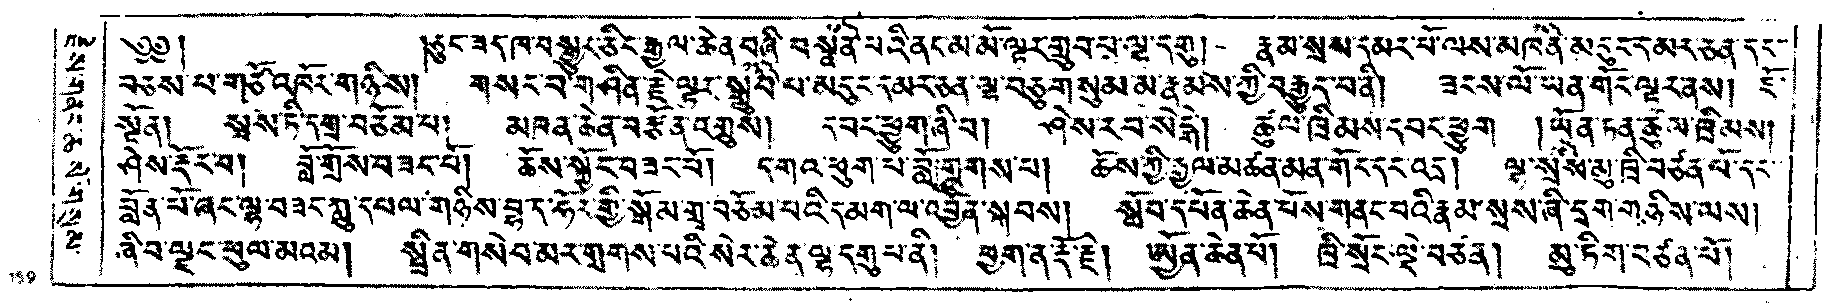༄༅། །ཅུང་ཟད་ཁ་བསྒྱུར་ཅིང་རྒྱལ་ཆེན་བཞི་བསྣན ༡༠?་པའི་ནང་མ་མོ་ལྟར་གྲུབ་པ་ལྷ་དགུ །རྣམ་སྲས་དམར་པོ་ལས་མཁན ༡༢?་མདུང་དམར་ཅན་དང་
བཅས་པ་གཙོ་འཁོར་གཉིས། གསང་བ་གཤིན་རྗེ་ལྟར་སྒྲུབ ༡༣?་པ་མདུང་དམར་ཅན་ལྷ་བཅུ་གསུམ་མ་རྣམས་ཀྱི་བརྒྱུད་པ་ནི། ཟངས་ལོ་ཡན་གོང་ལྟར་ནས། ཇོ་
སྟོན། སྦས་ཏི་དགྲ་བཅོམ་པ། མཁན་ཆེན་བརྩོན་འགྲུས། དབང་ཕྱུག་ཞི་བ། ཤེས་རབ་སེངྒེ། ཚུལ་ཁྲིམས་དབང་ཕྱུག །ཡོན་ཏན་ཚུལ་ཁྲིམས།
ཤེས་རྡོར་བ། བློ་གྲོས་བཟང་པོ། ཆོས་སྐྱོང་བཟང་པོ། དགའ་ཕུག་པ་བློ་བཟང་གྲགས་པ། ཆོས་ཀྱི་རྒྱལ་མཚན་མན་གོང་དང་འདྲ། ལྷ་སྲས ༡༤?་མུ་ཁྲི་བཙན་པོ་དང་
བློན་པོ་ཞང་ལྷ་བཟང་ཀླུ་དཔལ་གཉིས་བྷ་ད་ཧོར་གྱི་སྒོམ་གྲྭ་བཅོམ་པའི་དམག་ལ་འབྱོན་སྐབས། སློབ་དཔོན་ཆེན་པོས་གནང་བའི་རྣམ་སྲས་ཞི་དྲག་གཉིས་ལས།
ཞི་བ་ལྗང་ཕུལ་མའམ། སྤྲིན་གསེབ་མར་གྲགས་པའི་སེར་ཆེན་ལྷ་དགུ་པ་ནི། ཕྱག་ན་རྡོ་རྗེ། ཨཡོན་ཆེན་པོ། ཁྲི་སྲོང་ལྡེ་བཙན། མུ་ཏིག་བཙན་པོ།